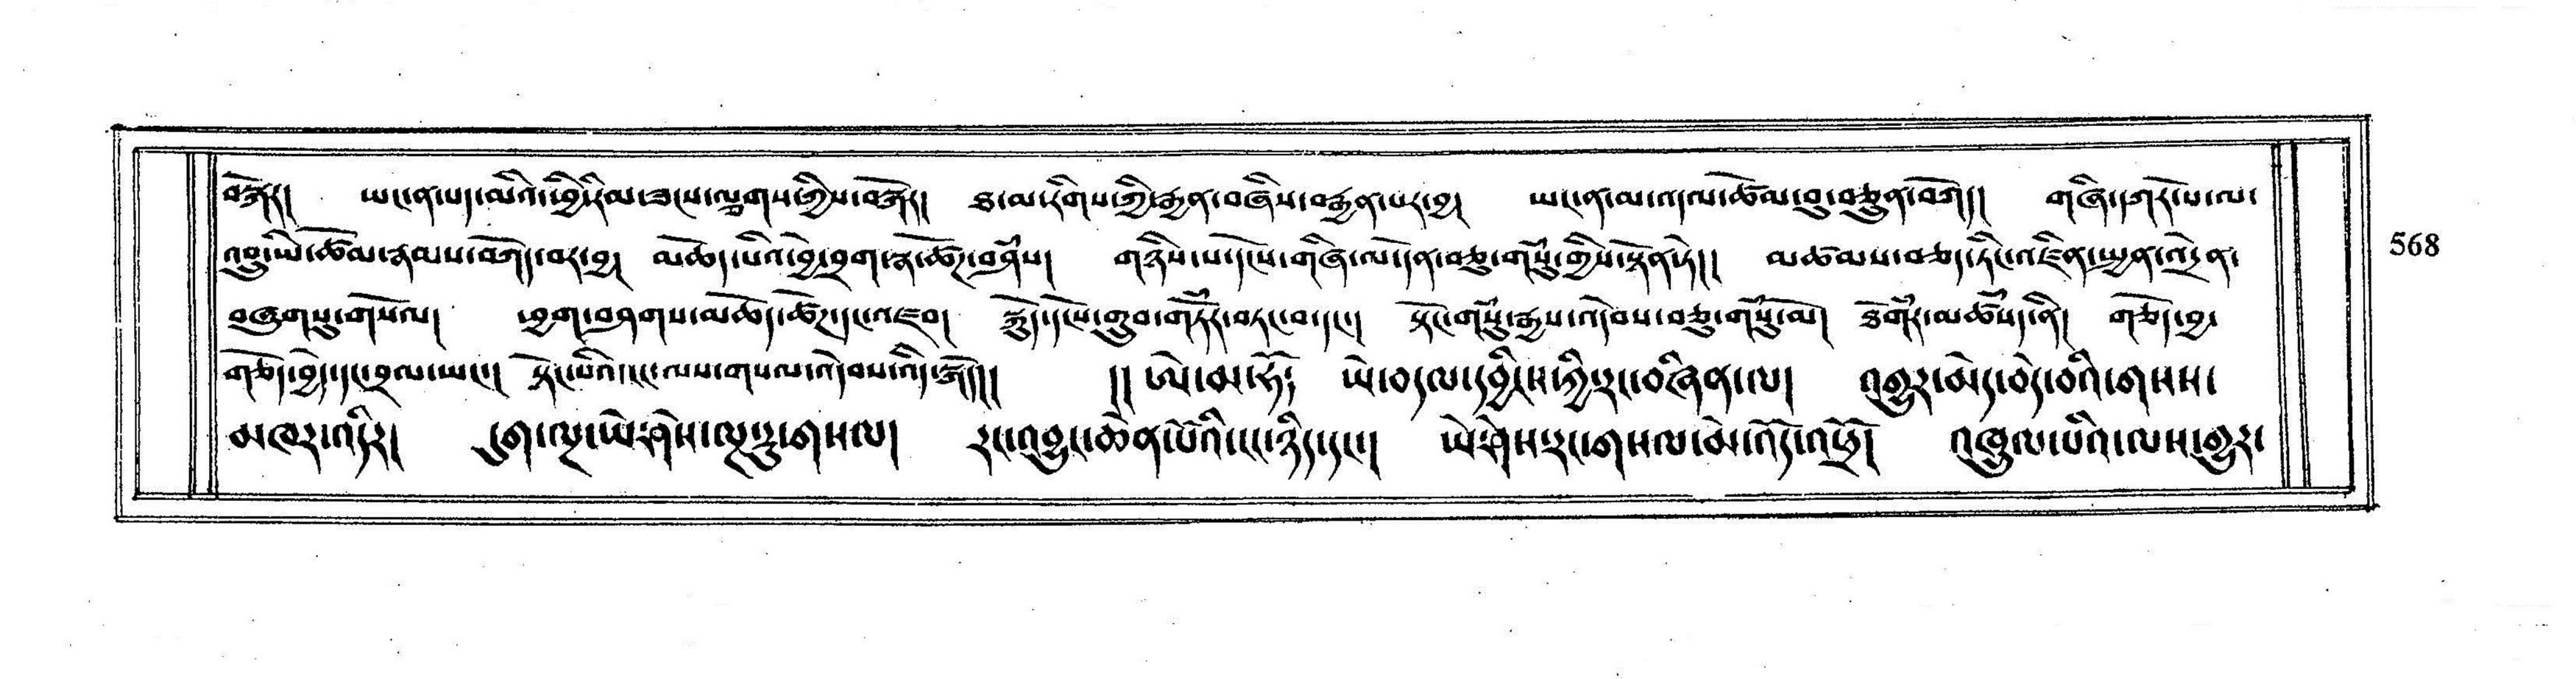བསྐོར། ཡང་ན་པད་མའི་ཕྱི་རིམ་ཟངས་ལྕགས་ཀྱིས་བསྐོར། ཐ་མ་རིགས་ཀྱི་རྒྱན་བཞིས་བརྒྱན་པར་བྱ། ཡང་ན་མ་འདལ་ཚོལ་བུ་བཅུ་བདུན་བཀོད།། གཞི་དཀར་པོ་ལ་
འབྲུ་ཡི་ཚོམ་རྣམས་བཀོད་བར་བྱ། མཆོད་པའི་བྱེ་བྲག་སྣ་ཚོགས་བཤམས། གཉིས་པ་དངོས་གཞི་ལ་དོན་བཅུ་གསུམ་གྱིས་སྟོན་ཏེ།། མཚམས་བཅད་ཏིང་འཛིན་སྤྱན་འདྲེན་
བཞུགས་སུ་གསོལ། ཕྱག་བཤགས་མཆོད་ཚོགས་དང་འཛབ། སྐུ་བསྟོད་དངོས་གྲུབ་གཏོར་མ་བཏང་བ་དང་། སྟོང་གསུམ་རྒྱས་འདེབས་བཅུ་གསུམ་མོ། ཐོག་མར་མཚམས་བཅད་ནི། གཅོད་བྱ་
གཅོད་བྱེད་དང་བྲལ་ཡང་། སྟོང་པའི་ངང་ལས་གསལ་འདེབས་འདི་སྐད་དོ།། །།ཨེ་མ་ཧོ ཡེ་བདལ་དབྱིངས་ཀྱི་རང་བཞིན་ལ། འགྱུར་མེད་བདེ་བའི་གསས་
མཁར་འདིར། དུག་ལྔ་ཡེ་ཤེས་ལྔ་རུ་གསལ། རང་འབྱུང་ཆེན་པོའི་ངང་ཉིད་དང་། ཡེ་ཤེས་རང་གསལ་མེ་འོད་འཕྲོ། འཁྲུལ་པའི་ལས་གྱུར་